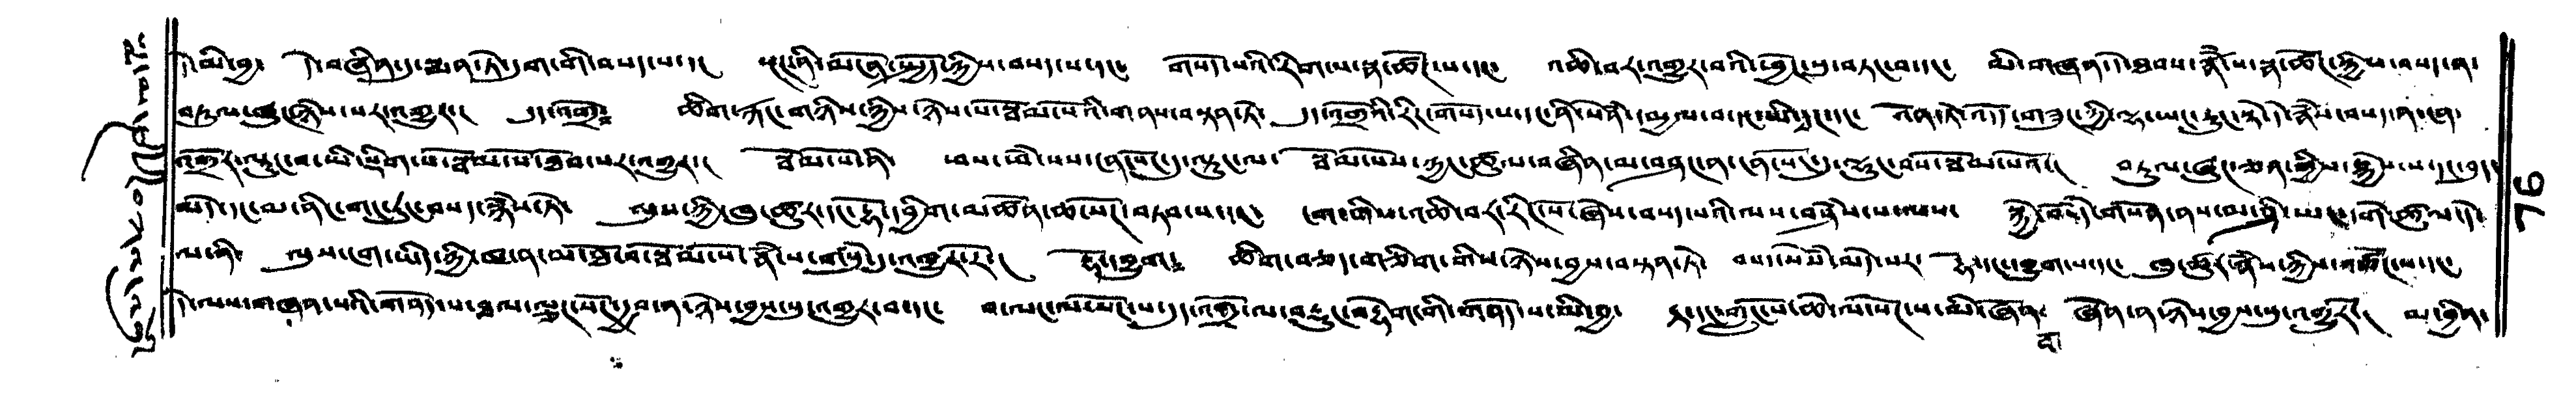དེ་མི་བྱ། དེ་བཞིན་དུ་སྨན་ཏེ་དུག་གིས་བསད་པ་དང་། སྔགས་ནི་མངོན་སྤྱོད་ཀྱིས་བསད་པ་དང་། གསོད་པའི་རིག་པ་སྣ་ཚོགས་པ་དང་། འཆི་བར་འགྱུར་བའི་ཕྱོགས་སུ་བཏང་བ་དང་། མི་གཞན་དེ་ཐབས་རྣམ་པ་སྣ་ཚོགས་ཀྱིས་བསད་ན་
བཏུལ་ཞུགས་ཉམས་པར་འགྱུར། དུད་འགྲོ༴ ཚིག་རྐང་གཉིས་ཀྱིས་ཉེས་པ་སྦོམ་པོའི་གནས་བསྟན་ཏེ། དུད་འགྲོའི་རིགས་གསོད་པ་དང་ནི་སེམས་ཅན་དམྱལ་བ་དང་ཡི་དྭགས་དང་། འོན་ཏེ་འདོད་གཟུགས་ཀྱི་ལྷ་ཡང་རུང་སྟེ་དེ་རྣམས་བསད་ན་ངན་
འགྲོར་ལྟུང་བ་ཡི་སྡིག་པ་སྦོམ་པོ་ཐོབ་པར་འགྱུར། སྦོམ་པོ་ནི། ཕས་ཕམ་པས་ངན་སོང་དུ་ལྟུང་ལ། སྦོམ་པོས་ཀྱང་ཚུལ་བཞིན་མ་བཤགས་ན་ངན་སོང་དུ་ལྟུང་བས་སྦོམ་པོའོ།བརྟུལ་ཞུགས་ཅན་གྱིས་སྐྱེས་པ་དང་བུད་
མེད་དང་མ་ནིང་གང་རུང་གསོད་སྙམ་སྟེ། ལུས་ཀྱི་ཁུ་ཚུར་དང་རྡོ་དབྱིག་མཚོན་ཆ་སོགས་བཏབ་པ་དང་། ངག་གིས་འཆི་བར་རིགས་སོ་ཞེས་གསོད་པའི་ལས་བཤམས་པ་ལས། སྐྱེ་བོ་དེ་གསོན་ནས་མ་ཤི་ཡང་། དགེ་ཚུལ་དེ་
ལ་ནི་ལུས་ངག་ཡིད་ཀྱི་ཁ་ན་མ་ཐོ་བ་སྦོམ་པོ་རྣམ་པ་གསུམ་དུ་འགྱུར་རོ། རྡོ་དབྱུག༴ ཚིགས་བཅད་གཅིག་གིས་ཉེས་བྱས་བསྟན་ཏེ། གསོད་སེམས་མེད་པར། རྡོ་དང་དབྱུག་པ་དང་། ཁུ་ཚུར་རྣམས་ཀྱིས་འཚོག་པ་དང་། 
དེ་ལས་གཞན་པའི་གནོད་པ་ཐལ་ལྕག་སོགས་རྒྱབ་ན་ཉེས་བྱས་སུ་འགྱུར་བ་དང་། བ་ལང་ལ་སོགས་པ་དུད་འགྲོ་ལ་བརྡུང་བརྡེག་གི་གནོད་པ་མི་བྱ། རྟ་དང་གླང་པོ་ཆེ་ལ་སོགས་པ་མི་ཞོན་ནོ། ཞོན་ན་ཉེས་བྱས་སུ་འགྱུར་རོ། མ་བྱིན་